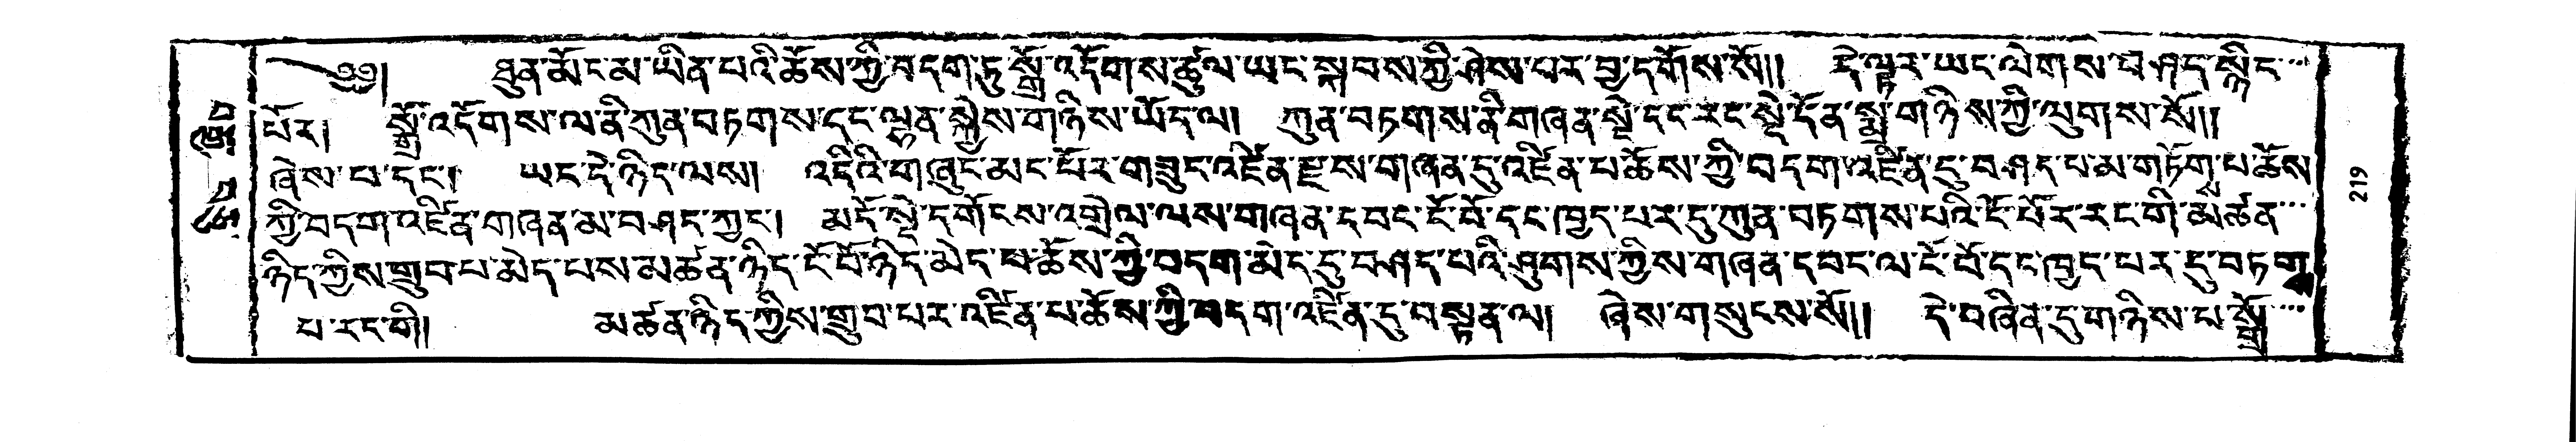༄༅། །ཐུན་མོང་མ་ཡིན་པའི་ཆོས་ཀྱི་བདག་ཏུ་སྒྲོ་འདོགས་ཚུལ་ཡང་སྐབས་ཀྱི་ཤེས་པར་བྱ་དགོས་སོ། །དེ་ལྟར་ཡང་ལེགས་བཤད་སྙིང་
པོར། སྒྲོ་འདོགས་ལ་ནི་ཀུན་བཏགས་དང་ལྷན་སྐྱེས་གཉིས་ཡོད་ལ། ཀུན་བཏགས་ནི་གཞན་སྡེ་དང་རང་སྡེ་དོན་སྨྲ་གཉིས་ཀྱི་ལུགས་སོ། །
ཞེས་པ་དང་། ཡང་དེ་ཉིད་ལས། འདིའི་གཞུང་མང་པོར་གཟུང་འཛིན་རྫས་གཞན་དུ་འཛིན་པ་ཆོས་ཀྱི་བདག་འཛིན་དུ་བཤད་པ་མ་གཏོགས་པ་ཆོས་
ཀྱི་བདག་འཛིན་གཞན་མ་བཤད་ཀྱང་། མདོ་སྡེ་དགོངས་འགྲེལ་ལས་གཞན་དབང་ངོ་བོ་དང་ཁྱད་པར་དུ་ཀུན་བཏགས་པའི་ངོ་བོར་རང་གི་མཚན་
ཉིད་ཀྱིས་གྲུབ་པ་མེད་པས་མཚན་ཉིད་ངོ་བོ་ཉིད་མེད་པ་ཆོས་ཀྱི་བདག་མེད་དུ་བཤད་པའི་ཤུགས་ཀྱིས་གཞན་དབང་ལ་ངོ་བོ་དང་ཁྱད་པར་དུ་བཏགས་
པ་རང་གི །མཚན་ཉིད་ཀྱིས་གྲུབ་པར་འཛིན་པ་ཆོས་ཀྱི་བདག་འཛིན་དུ་བསྟན་ལ། ཞེས་གསུངས་སོ།། དེ་བཞིན་དུ་གཉིས་པ་སྒྲོ་